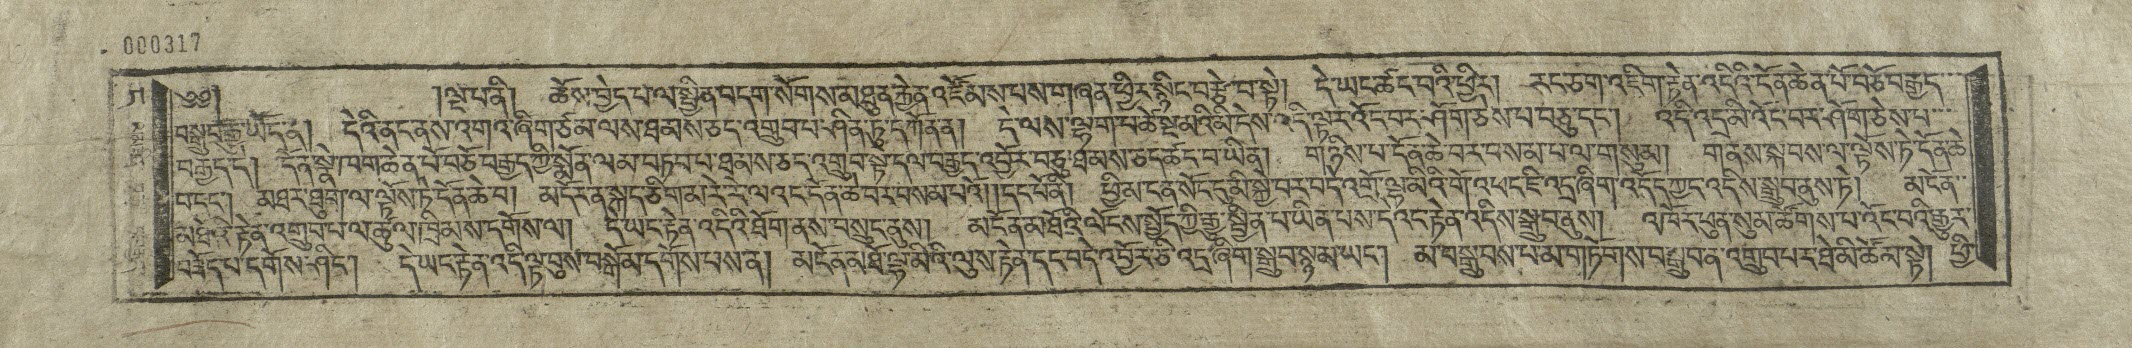༄༅། །ལྔ་པ་ནི། ཆོས་བྱེད་པ་ལ་སྦྱིན་བདག་སོགས་མཐུན་རྐྱེན་འཛོམས་པས་གཞན་ཕྱིར་སྙིང་བརྩེ་བ་སྟེ། དེ་ཡང་ཚང་བའི་ཕྱིར། རང་ཅག་འཇིག་རྟེན་འདིའི་དོན་ཆེན་པོ་བཅོ་བརྒྱད་
བསྒྲུབ་རྒྱུ་ཡོད་ན། དེའི་ནང་ནས་འགའ་ཞིག་ཙམ་ལས་ཐམས་ཅད་འགྲུབ་པ་ཤིན་ཏུ་དཀོན་ན། དེ་ལས་ལྷག་པ་ཚེ་ལྔ་མའི་མི་དེས་འདི་ལྟར་འོང་བར་ཤོག་ཅེས་པ་བཅུ་དང་། འདི་འདྲ་མི་འོང་བར་ཤོག་ཅེས་པ་
བརྒྱད་དེ། དོན་སྣེ་ཁག་ཆེན་པོ་བཅོ་བརྒྱད་ཀྱི་སྨོན་ལམ་བཏབ་པ་ཐམས་ཅད་འགྲུབ་སྟེ་དལ་བརྒྱད་འབྱོར་བཅུ་ཐམས་ཅད་ཚང་བ་ཡིན། གཉིས་པ་དོན་ཆེ་བར་བསམ་པ་ལ་གསུམ། གནས་སྐབས་ལ་ལྟོས་ཏེ་དོན་ཆེ་
བ་དང་། མཐར་ཐུག་ལ་ལྟོས་ཏེ་དོན་ཆེ་བ། མདོར་ན་སྐད་ཅིག་མ་རེ་རེ་ལའང་དོན་ཆེ་བར་བསམ་པའོ། །དང་པོ་ནི། ཕྱི་མ་ངན་སོང་དུ་མི་སྐྱེ་བར་བདེ་འགྲོ་ལྷ་མིའི་གོ་འཕང་ཇི་འདྲ་ཞིག་འདོད་ཀྱང་འདིས་སྒྲུབ་ནུས་ཏེ། མངོན་
མཐོའི་རྟེན་འགྲུབ་པ་ལ་ཚུལ་ཁྲིམས་དགོས་ལ། དེ་ཡང་རྟེན་འདིའི་ཐོག་ནས་བསྲུང་ནུས། མངོན་མཐོའི་ལོངས་སྤྱོད་ཀྱི་རྒྱུ་སྦྱིན་པ་ཡིན་པས་དེའང་རྟེན་འདིས་སྒྲུབ་ནུས། འཁོར་ཕུན་སུམ་ཚོགས་པ་འོང་བའི་རྒྱུར་
བཟོད་པ་དགོས་ཤིང་། དེ་ཡང་རྟེན་འདི་ལྟ་བུས་བསྒོམ་དགོས་པས་ན། མངོན་མཐོ་ལྷ་མིའི་ལུས་རྟེན་དང་བདེ་འབྱོར་ཅི་འདྲ་ཞིག་སྒྲུབ་སྙམ་ཡང་། མ་བསྒྲུབས་པ་མ་གཏོགས་བསྒྲུབ་ན་འགྲུབ་པར་ཐེ་མི་ཚོམ་སྟེ། ཕྱི་